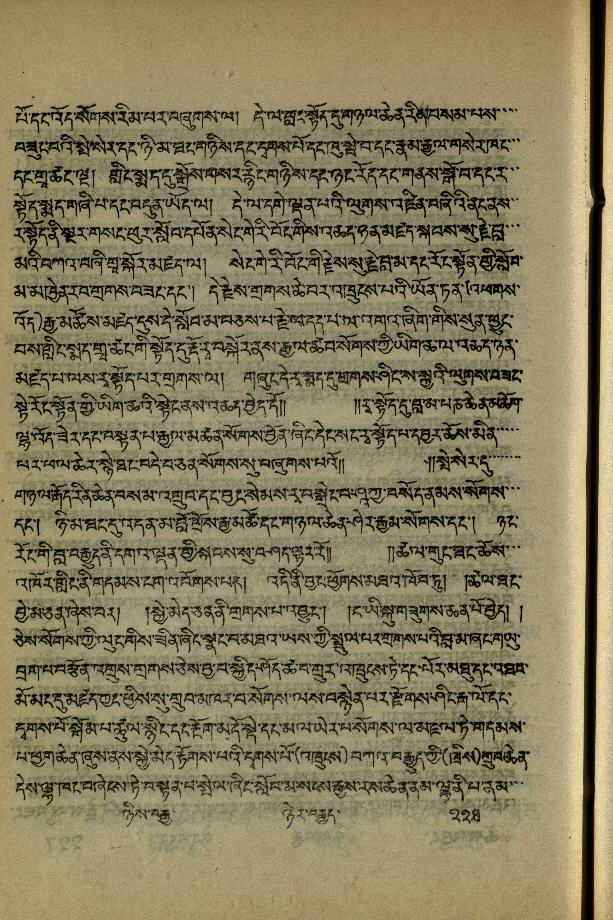པོ་དང་འོད་སོགས་རིམ་པར་བཞུགས་ལ། དེ་ལ་གླང་སྟོན་དུ་གཉལ་ཆེན་རིན་བསམ་པས་
བཟུང་བའི་སྦེ་སེར་དང་ཉི་མ་ཐང་གཉིས་དང་དྭགས་པོ་དང་ཁུ་སྤེ་བ་དང་རྣམ་རྒྱལ་གསེར་ཁང་
དང་གྲྭ་ཚང་ལྔ། གླིང་སྨད་དུ་སྒྲོས་གསར་རྙིང་གཉིས་དང་ཉང་རོད་དང་གནས་སྒོ་བ་དང་ར་
སྟོད་སྨད་གཞི་པ་དང་བདུན་ཡོད་ལ། དེ་ལ་དགེ་ལྡན་པའི་ལུགས་འཛིན་བཞིའི་ནང་ནས་
ར་སྟོད་ནི་སྔར་གསང་ཕུར་སློབ་དཔོན་སེང་གེ་རི་བོང་གིས་འཆད་ཉན་མཛད་སྐབས་སུ་རྗེ་བླ་
མའི་བཀའ་བཞི་གྲྭ་སྐོར་མཛད་ལ། སེང་གེ་རི་བོང་གི་རྗེས་སུ་རྗེ་བལ་མ་དང་རོང་སྟོན་གྱི་སློབ་
མ་མཁྱེན་རབ་གྲགས་བཟང་དང་། དེ་རྗེས་གྲགས་ཆེ་བར་འཁྲུངས་པའི་ཡོན་ཏན་འཕགས་
འོད་རྒྱ་མཚོས་མཛད་དུས་དེ་སློབ་མ་བཅས་པ་རྗེ་ལ་དད་པ་ལ་འགའ་ཞིག་གིས་སུན་ཕྱུང་
བས་གླིང་སྨད་གྲྭ་ཚང་གི་སྟོད་དུ་རྡོ་རྭ་བསྐོར་ནས་རྒྱལ་ཚབ་སོགས་ཀྱི་ཡིག་ཆ་ལ་འཆད་ཉན་
མཛད་པ་ལས་རྭ་སྟོད་པར་གྲགས་ལ། གཞུང་དེ་རྭ་སྨད་དུ་གྲགས་ཤིང་ས་སྐྱའི་ལུགས་བཟང་
སྟེ་རོང་སྟོན་གྱི་ཡིག་ཆའི་སྟེང་ནས་འཆད་བྱེད་དོ།། །།རྭ་སྟོད་དུ་བླ་མ་པཎ་ཆེན་མཆོག་
ལྷ་འོད་ཟེར་དང་བསྟན་པ་རྒྱལ་མཚན་སོགས་བྱོན་ཞིང་དེང་སང་རྭ་སྟོད་པ་དབྱར་ཆོས་མིན་
པར་ཕལ་ཆེར་སྙེ་ཐང་བདེ་བ་ཅན་སོགས་སུ་བཞུགས་པའོ།། །།སྤེ་སེར་དུ་
གཉལ་རྒོད་རིན་ཆེན་བསམ་འགྲུབ་དང་བྱང་སེམས་རྭ་བསྒྲེང་བ་ཤཱཀྱ་བསོད་ནམས་སོགས་
དང་། ཉི་མ་ཐང་དུ་འདན་མ་བློ་གྲོས་རྒྱ་མཚོ་དང་གཉལ་ཆེན་ཤེར་རྒྱམ་སོགས་དང་། ཉང་
རོང་གི་བླ་བརྒྱུད་ནི་དགའ་ལྡན་གྱི་སྐབས་སུ་བཤད་ལྟར་རོ།། །།ཚལ་གུང་ཐང་ཆོས་
འཁོར་གླིང་ནི་གདམས་ངག་འབོགས་པར། འདི་ནི་བྱང་ཕྱོགས་མཐའ་ཁོབ། །ཚལ་ཐང་
བྱེ་མ་ཅན་ཞེས་བར། །སྐྱེ་མེད་ཅན་ནི་གྲགས་པ་འབྱུང་། །ང་ཡི་སྐུ་གཟུགས་ཆན་པོ་བྱེད། །
ཅེས་སོགས་ཀྱི་ལུང་གིས་ཟིན་ཞིང་སྣང་བ་མཐའ་ཡས་ཀྱི་སྤྲུལ་པར་གྲགས་པའི་བླ་མ་ཞང་གཡུ་
བྲག་པ་བརྩོན་འགྲུས་གྲགས་ཅེས་བྱ་བ་སྐྱིད་ཤོད་ཚ་བ་གྲུར་འཁྲུངས་ཏེ་དང་པོར་མཐུ་དང་འཐབ་
མོ་མང་དུ་མཛད་ཀྱང་ཕྱིས་སུ་གྲུབ་མཁར་བ་སོགས་ལས་བསྙེན་པར་རྫོགས་ཤིང་རྒ་ལོ་དང་
དྭགས་པོ་སྒོམ་པ་ཚུལ་སྙིང་དང་རྔོག་སྡེ་དང་མ་ལ་ཡེར་པ་སོགས་ལ་མཇལ་ཏེ་གདམས་
པ་ཕྱག་ཆེན་ཞུས་ནས་སྐྱེ་མེད་རྟོགས་པའི་དྭགས་པོ་འཁྲུངས་བཀའ་བརྒྱུད་ཀྱི་ཁྲིས་གྲུབ་ཆེན་
དེས་ལྷ་ཁང་བཞེངས་ཏེ་བསྟན་པ་སྤེལ་ཞིང་སློབ་མ་སངས་རྒྱས་རས་ཆེན་ནམ་ལྷ་ནི་པ་ནམ་